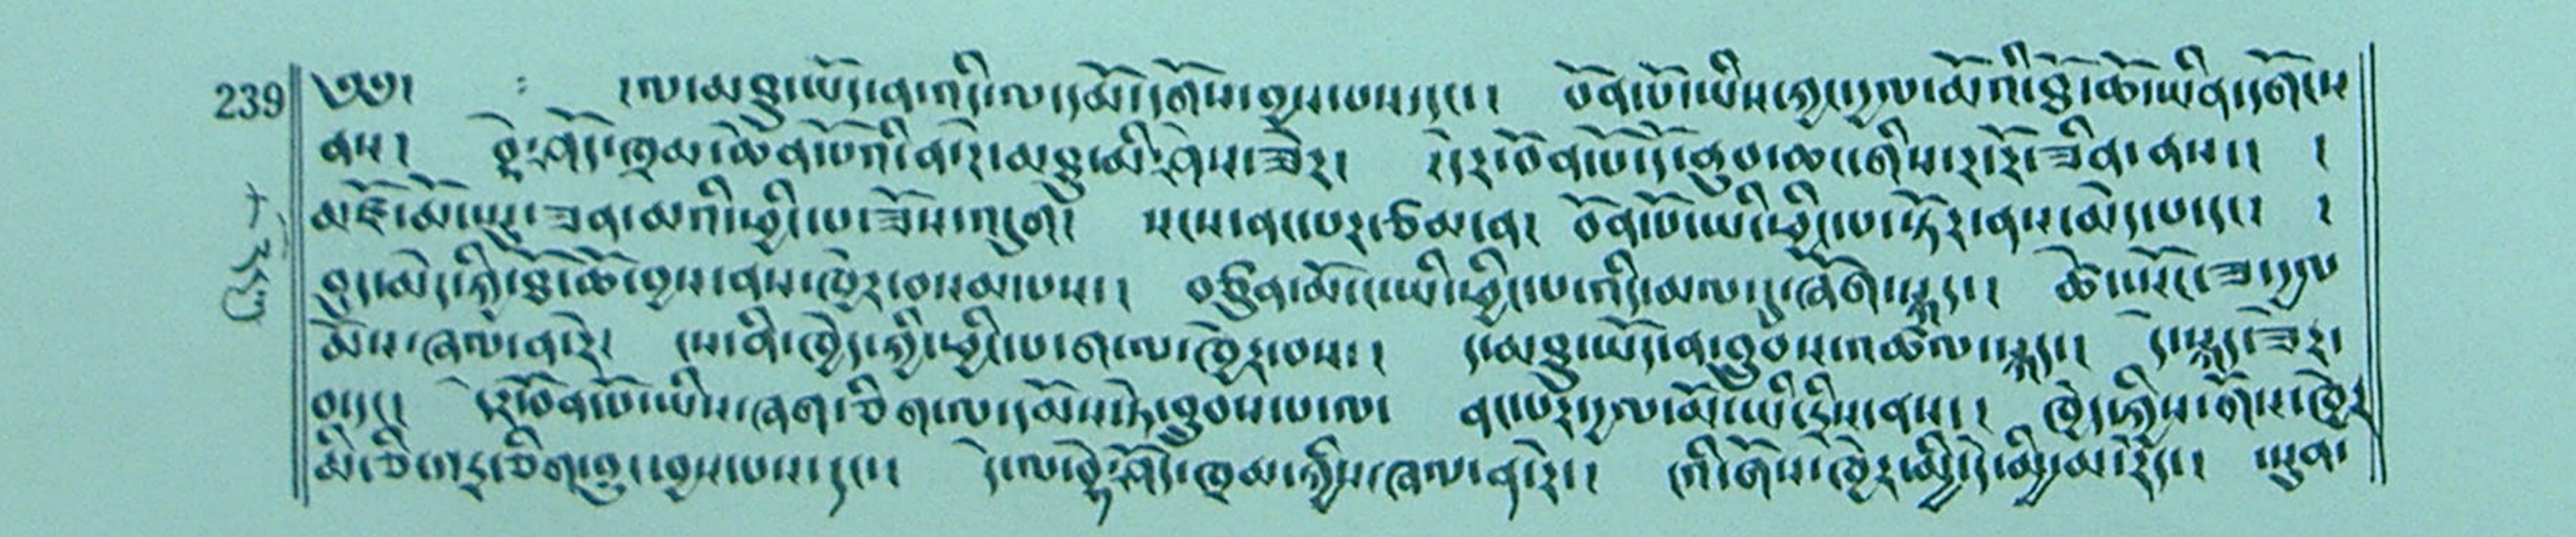༄༅། །ལ་ནུས་མཐུ་ཡོད་ན་འདི་ལ་དམོད་དགོས་བྱས་པས་དང་། བོན་པོ་ཡིས་ཀྱང་རྒྱལ་མོའི་ཐོ་ཅོ་ཡིན་དགོངས་
ནས། བྷེ་ཤོད་ཁྲམ་ཆེན་པོའི་ནེ་མཐུ་མི་ཤེས་ཟེར། དེར་བོན་པོ་དོ་ནུབ་ཆང་གིས་ར་རོ་ཟིན་ནས། 
མཛོ་མོ་སྤུ་ཟན་མའི་ཕྱིང་བ་ཟོས་འདུག སངས་ནང་པར་ཙམ་ན། བོན་པོའི་ཕྱིང་བ་སྟོར་ནས་མེད་པ་དང་།
 བུད་མེད་ཀྱིས་ཐོ་ཅོ་བྱས་ནས་ཁྱེར་བསམ་པས། བཙུན་མོ་ང་ཡི་ཕྱིང་བ་འདི་མལ་དུ་ཞོག་སྐད། ཚེ་སྤོང་ཟ་རྒྱལ་
མོའི་ཞལ་ན་རེ། ངས་ནི་ཁྱེད་ཀྱི་ཕྱིང་བ་ག་ལ་ཁྱེར་བས། ད་མཐུ་ཡོད་ན་བྲུབ་འཚལ་སྐད། དེ་སྐད་ཟེར་
བ་དང་། དེར་བོན་པོ་ཡིས་ཞག་གཅིག་ལ་དམོས་ཏེ་གྲུབས་པ་ལ། ནང་བར་རྒྱལ་མོ་ཡི་དྲིས་ནས། ཁྱེད་ཀྱིས་གོས་ཁྱེར་
མི་ཅི་འདྲ་ཅིག་བྱུང་བྱས་པས་དང་། དེ་ལ་བྷེ་ཤོད་ཁྲམ་གྱི་ཞལ་ན་རེ། ང་ཡི་གོས་ཁྱེར་མྱི་དེ་མྱི་མ་རེད། སྤུན་